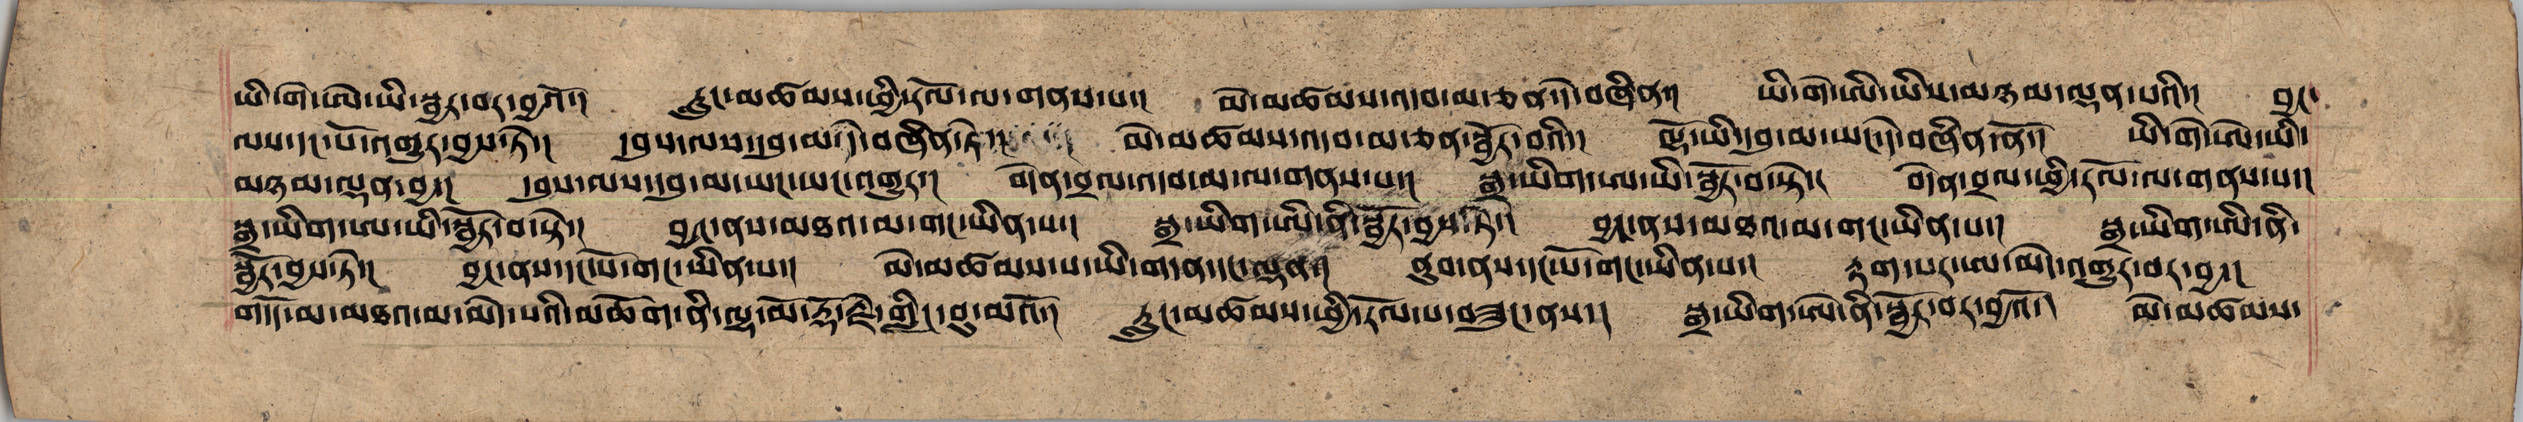ཡི་གེ་ཨེ་ཡི་སྦྱར་བར་བྱའོ་། རླུང་མཚམས་ཕྱི་རོལ་ལ་གནས་པ་། མེ་མཚམས་འདབ་མ་ཅན་དེ་བཞིན་། ཡི་གེ་ཨི་ཡིས་མཉམ་ལྡན་པའི་། བྱང་
ལས་དང་པོ་འགྱུར་བྱས་ཏེ་། དབུས་ལས་དབུ་མ་དེ་བཞིན་ཏེ་། མེ་མཚམས་འདབ་མ་ཅན་སྦྱོར་བའི་། ལྷོ་ཡི་དབུ་མ་ཡང་དེ་བཞིན་ནོ་། ཡི་གེ་ཨེ་ཡི་
མཉམ་ལྡན་བྱ་། དབུས་ལས་དབུ་མ་ཡང་ཡང་འགྱུར་། བདེན་བྲལ་འདབ་མ་ལ་གནས་པ་། སྒྲ་ཡིག་ཨ་ཡི་སྦྱོར་བ་སྟེ་། བདེན་བྲལ་ཕྱི་རོལ་ལ་གནས་པ་།
སྒྲ་ཡིག་ཨ་ཡི་སྦྱོར་བ་སྟེ་། བྱང་ནས་མཐའ་མ་གང་ཡིན་པ་། སྒྲ་ཡིག་ཨི་ནི་སྦྱོར་བྱས་ཏེ་། བྱང་ནས་མཐའ་མ་གང་ཡིན་པ་། སྒྲ་ཡིག་ཨི་ནི་
སྦྱོར་བྱས་ཏེ་། བྱང་ནས་དང་པོ་གང་ཡིན་པ་། མེ་མཚམས་ས་ཡི་གདན་དང་ལྡན་། ནུབ་ནས་དང་པོ་གང་ཡིན་པ་། རྟག་པར་ཨ་མེད་འགྱུར་བར་བྱ་།
གདོད་མ་མཐའ་མ་མེད་པའི་མཆོག་ནི་ལྷ་མོ་རྡོ་རྗེ་གླིང་བུ་མའོ་། རླུང་མཚམས་ཕྱི་རོལ་ས་བཟུང་ནས་། སྒྲ་ཡིག་ཨེ་ནི་སྦྱོར་བར་བྱའོ་། མེ་མཚམས་